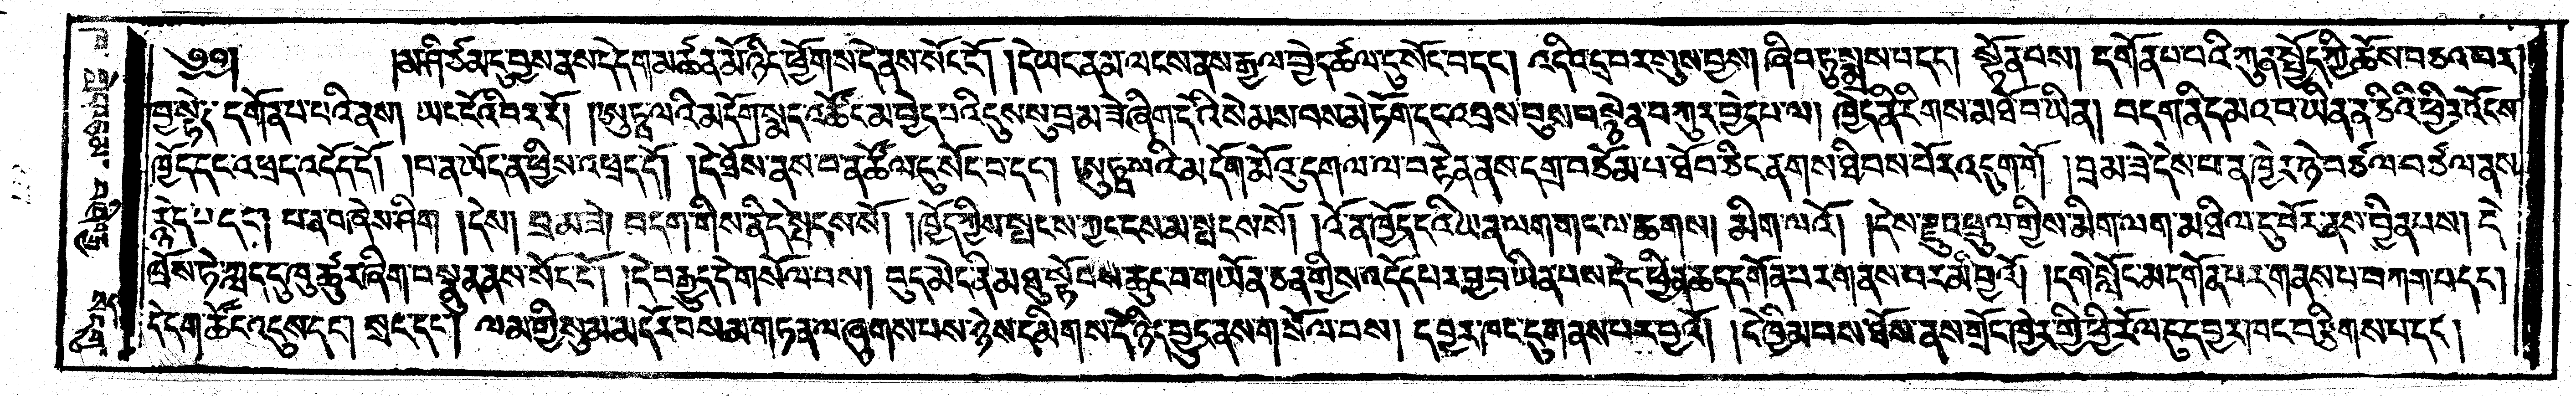༄༅། །མ་ཤི་ཙམ་དུ་བྱས་ནས་དེ་དག་མཚན་མོ་ཉིད་ཕྱོགས་དེ་ནས་སོང་ངོ། །དེ་ཡང་ནམ་ལངས་ནས་རྒྱལ་བྱེད་ཚལ་དུ་སོང་བ་དང་། འདི་འདྲ་བར་སུས་བྱས། ཞིབ་ཏུ་སྨྲས་པ་དང་། སྟོན་པས། དགོན་པའི་ཀུན་སྤྱོད་ཀྱི་ཆོས་བཅའ་བར་
བྱ་སྟེ༑ དགོན་པ་པའི་ནས། ཡང་ངོའི་བར་རོ། །ཨུཏྤ་ལའི་མདོག་སྨད་འཚོང་མ་བྱེད་པའི་དུས་སུ་བྲམ་ཟེ་ཞིག་དེའི་སེམས་བས་མེ་ཏོག་དང་འབྲས་བུས་བསྙེན་བཀུར་བྱེད་པ་ལ། ཁྱེད་ནི་རིགས་མཐོ་བ་ཡིན། བདག་ནི་དམའ་བ་ཡིན་ན་ཅིའི་ཕྱིར་འོངས་
ཁྱོད་དང་འཕྲད་འདོད་དོ། །བ་ན་ཡོད་ན་ཕྱིས་འཕྲད་དོ། །དེ་ཐོས་ནས་བ་ན་ཚོལ་དུ་སོང་བ་དང་། ཨུཏྦ་ལའི་མདོག་མོའུ་དགལ་ལ་བརྟེན་ནས་དགྲ་བཅོམ་པ་ཐོབ་ཅིང་ནགས་ཐིབས་པོར་འདུག་གོ །བྲམ་ཟེ་དེས་པ་ན་ཁྱེར་ཉེ་བཙལ་བཙལ་ནས་
རྙེད་པ་དང་། པ་ན་བཞེས་ཤིག །དེས། བྲམ་ཟེ། བདག་གིས་ནི་དེ་སྤངས་སོ། །ཁྱོད་ཀྱིས་སྤངས་ཀྱང་ངས་མ་སྤངས་སོ། །འོ་ན་ཁྱོད་ངའི་ཡན་ལག་གང་ལ་ཆགས། མིག་ལའོ། །དེས་རྫུབ་འཕྲུལ་གྱིས་མིག་ལག་མཐིལ་དུ་བོར་ནས་བྱིན་པས། དེ་
ཁྲོས་ཏེ་ཀླད་དུ་ཁུ་ཚུར་ཞིག་བསྣུན་ནས་སོང་ངོ། །དེ་བརྒྱུད་དེ་གསོལ་བས། བུད་མེད་ནི་མཐུ་སྟོབས་ཆུང་བ་གཡོན་ཅན་གྱིས་འདོད་པར་བྱ་བ་ཡིན་པས་དེང་ཕྱིན་ཆད་དགོན་པར་གནས་བར་མི་བྱའོ། །དགེ་སློང་མ་དགོན་པར་གནས་པ་བཀག་པ་དང་།
དེ་དག་ཚོང་འདུས་དང་། སྲང་དང་། ལམ་གྱི་སུམ་མདོར་བསམ་གཏན་ལ་ཞུགས་པས་ཉེས་དམིགས་དེ་ཉིད་བྱུང་ནས་གསོལ་བས། དབྱར་ཁང་དུ་གནས་པར་བྱའོ། །དེ་ཁྱིམ་བས་ཐོས་ནས་གྲོང་ཁྱེར་གྱི་ཕྱི་རོལ་དུ་དབྱར་ཁང་བརྩིགས་པ་དང་།